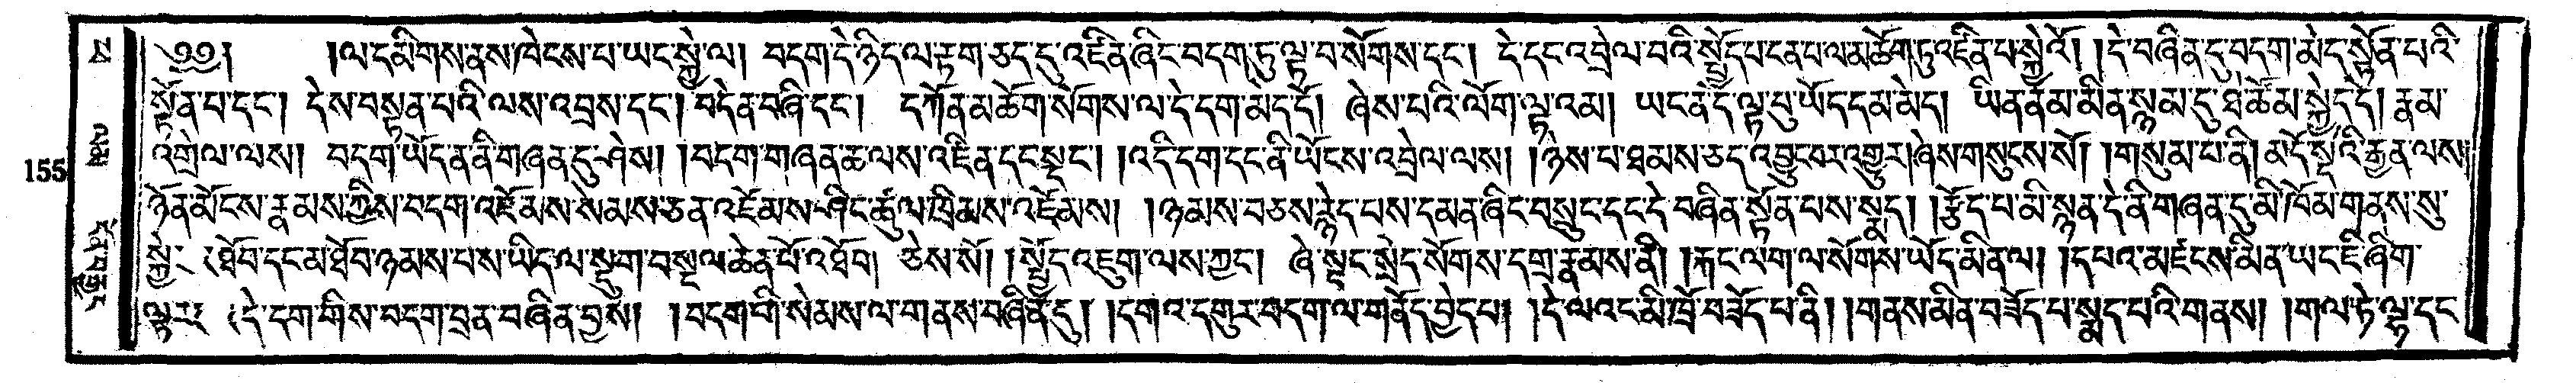༄༅། །ལ་དམིགས་ནས་ཁེངས་པ་ཡང་སྐྱེ་ལ། བདག་དེ་ཉིད་ལ་རྟག་ཅད་དུ་འཛིན་ཞིང་བདག་ཏུ་ལྟ་བ་སོགས་དང་། དེ་དང་འབྲེལ་བའི་སྤྱོད་པ་ངན་པ་ལ་མཆོག་ཏུ་འཛིན་པ་སྐྱེའོ། །དེ་བཞིན་དུ་བདག་མེད་སྟོན་པའི་
སྟོན་པ་དང་། དེས་བསྟན་པའི་ལས་འབྲས་དང་། བདེན་བཞི་དང་། དཀོན་མཆོག་སོགས་ལ་དེ་དག་མེད་དོ། །ཞེས་པའི་ལོག་ལྟ་འམ། ཡང་ནེ་ད་ལྟ་པུ་ཡོད་དམ་མེད། ཡིན་ནམ་མིན་སྙམ་དུ་ཐེ་ཚོམ་སྐྱེད་དེ། རྣམ་
འགྲེལ་ལས། བདག་ཡོད་ན་ནི་གཞན་དུ་ཤེས། །བདག་གཞན་ཆ་ལས་འཛིན་དང་སྡང་། །འདི་དག་དང་ནི་ཡོངས་འབྲེལ་ལས། །ཉེས་པ་ཐམས་ཅད་འབྱུང་བར་འགྱུར། ཞེས་གསུངས་སོ། །གསུམ་པ་ནི། མདོ་སྡའི་རྒྱན་ལས།
ཉོན་མོངས་རྣམས་ཀྱིས་བདག་འཇོམས་སེམས་ཅན་འཇོམས་ཤིང་ཚུལ་ཁྲིམས་འཇོམས། །ཉམས་བཅས་རྙེད་པས་དམན་ཞིང་བསྲུང་དང་དེ་བཞིན་སྟོན་པས་སྨད། །རྩོད་པ་མི་སྙན་དེ་ནི་གཞན་དུ་མི་ཁོམ་གནས་སུ་
སྐྱེ༑ ༑ཐོབ་དང་མ་ཐོབ་ཉམས་པས་ཡིད་ལ་སྡུག་བསྔལ་ཆེན་པོ་འཐོབ། ཅེས་སོ། །སྤྱོད་འཇུག་ལས་ཀྱང་། ཞེ་སྡང་སྲེད་སོགས་དགྲ་རྣམས་ནི། །རྐང་ལག་ལ་སོགས་ཡོད་མིན་ལ། །དཔའ་མཛངས་མིན་ཡང་ཇི་ཞིག་
ལྟར༑ ༑དེ་དག་གིས་བདག་བྲན་བཞིན་བྱས། །བདག་གི་སེམས་ལ་གནས་བཞིན་དུ། །དགའ་དགུར་བདག་ལ་གནོད་བྱེད་པ། །དེ་ལའང་མི་ཁྲོ་བཟོད་པ་ནི། །གནས་མིན་བཟོད་པ་སྨད་པའི་གནས། །གལ་ཏེ་ལྷ་དང་